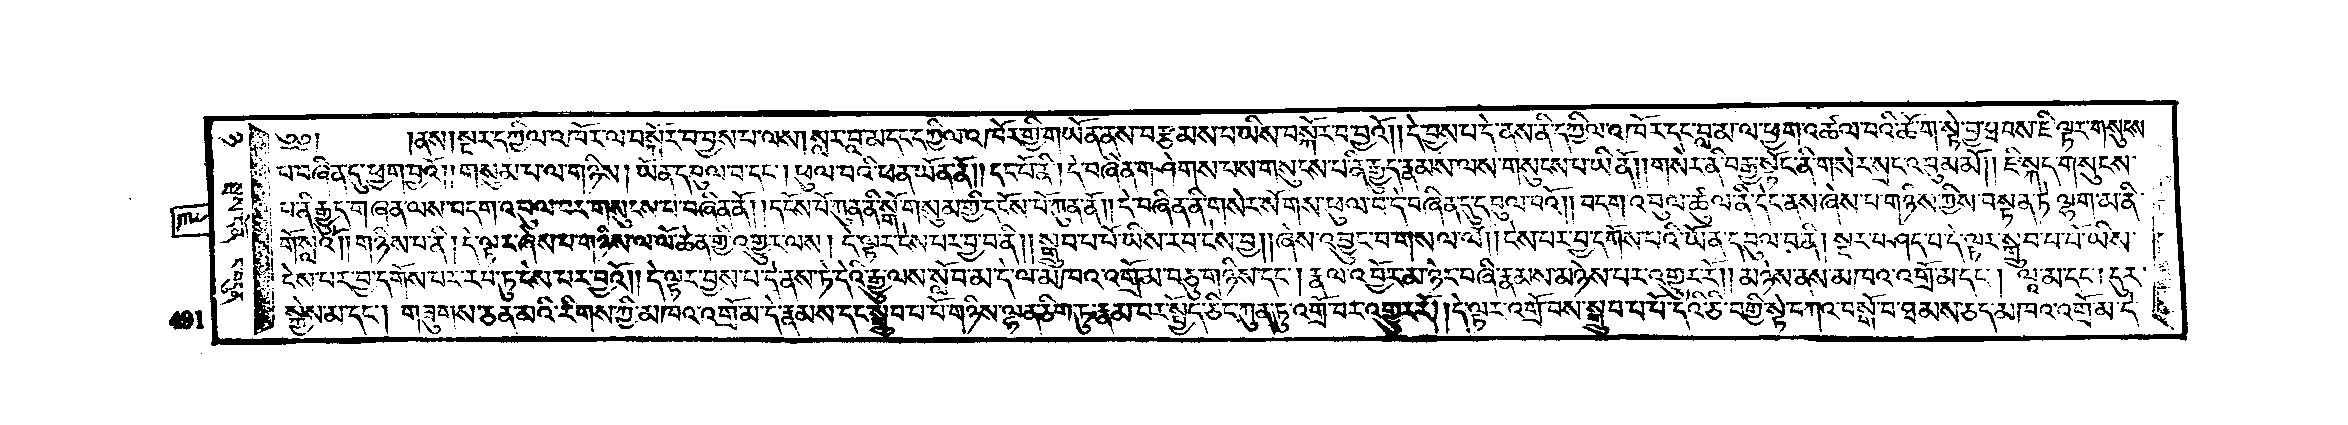༄༅། །ནས། སྔར་དཀྱིལ་འཁོར་ལ་བསྐོར་བ་བྱས་པ་ལས། སླར་བླ་མ་དང་དཀྱིལ་འཁོར་གྱི་གཡོན་ནས་བརྩམས་པ་ཡིས་བསྐོར་བ་བྱའོ། །དེ་བྱས་པ་དེ་ནས་ནི་དཀྱིལ་འཁོར་དང་བླ་མ་ལ་ཕྱག་འཚལ་བའི་ཆོ་ག་སྟེ་བྱ་ཐབས་ཇི་ལྟར་གསུངས་
པ་བཞིན་དུ་ཕྱག་བྱའོ། །གསུམ་པ་ལ་གཉིས། ཡོན་དབུལ་བ་དང་། ཕུལ་བའི་ཕན་ཡོན་ནོ། །དང་པོ་ནི། དེ་བཞིན་གཤེགས་པས་གསུངས་པ་ནི་རྒྱུད་རྣམས་ལས་གསུངས་པ་ཡིན་ནོ། །གསེར་ནི་བརྒྱ་སྟོང་ནི་གསེར་སྲང་འབུམ་མོ། །ཇི་སྐད་གསུངས་
པ་ནི་རྒྱུད་གཞན་ལས་བདག་འབུལ་བར་གསུངས་པ་བཞིན་ནོ། །དངོས་པོ་ཀུན་ནི་སྒོ་གསུམ་གྱི་དངོས་པོ་ཀུན་ནོ། །དེ་བཞིན་ནི་གསེར་སོགས་ཕུལ་བ་དེ་བཞིན་དུ་དབུལ་བའོ། །བདག་འབུལ་ཚུལ་ནི་དེང་ནས་ཞེས་པ་གཉིས་ཀྱིས་བསྟན་ཏེ་ལྷག་མ་ནི་
གོ་སླའོ། །གཉིས་པ་ནི། དེ་ལྟར་ཞེས་པ་གཉིས་ལ་ལོ་ཆེན་གྱི་འགྱུར་ལས། དེ་ལྟར་ངེས་པར་བྱ་བ་ནི། །སྒྲུབ་པ་པོ་ཡིས་རབ་ངེས་བྱ། །ཞེས་འབྱུང་བ་གསལ་ལོ། །ངེས་པར་བྱ་དགོས་པའི་ཡོན་དབུལ་བ་ནི། སྔར་བཤད་པ་དེ་ལྟར་སྒྲུབ་པ་པོ་ཡིས་
ངེས་པར་བྱ་དགོས་པར་རབ་ཏུ་ངེས་པར་བྱའོ། །དེ་ལྟར་བྱས་པ་དེ་ནས་ཏེ་དེའི་རྒྱུ་ལས་སློབ་མ་དེ་ལ་མཁའ་འགྲོ་མ་བཅུ་གཉིས་དང་། རྣལ་འབྱོར་མ་ཉེར་བཞི་རྣམས་མཉེས་པར་འགྱུར་རོ། །མཉེས་ནས་མཁའ་འགྲོ་མ་དང་། ལཱ་མ་དང་། དུམ་
སྐྱེས་མ་དང་། གཟུགས་ཅན་མའི་རིགས་ཀྱི་མཁའ་འགྲོ་མ་དེ་རྣམས་དང་སྒྲུབ་པ་པོ་གཉིས་ལྷན་ཅིག་ཏུ་རྣམ་པར་སྤྱོད་ཅིང་ཀུན་ཏུ་འགྲོ་བར་འགྱུར་རོ། །དེ་ལྟར་འགྲོ་བས་སྒྲུབ་པ་པོ་དེའི་ཅི་བགྱི་སྟེ་བཀའ་བསྒོ་བ་ཐམས་ཅད་མཁའ་འགྲོ་མ་དེ་